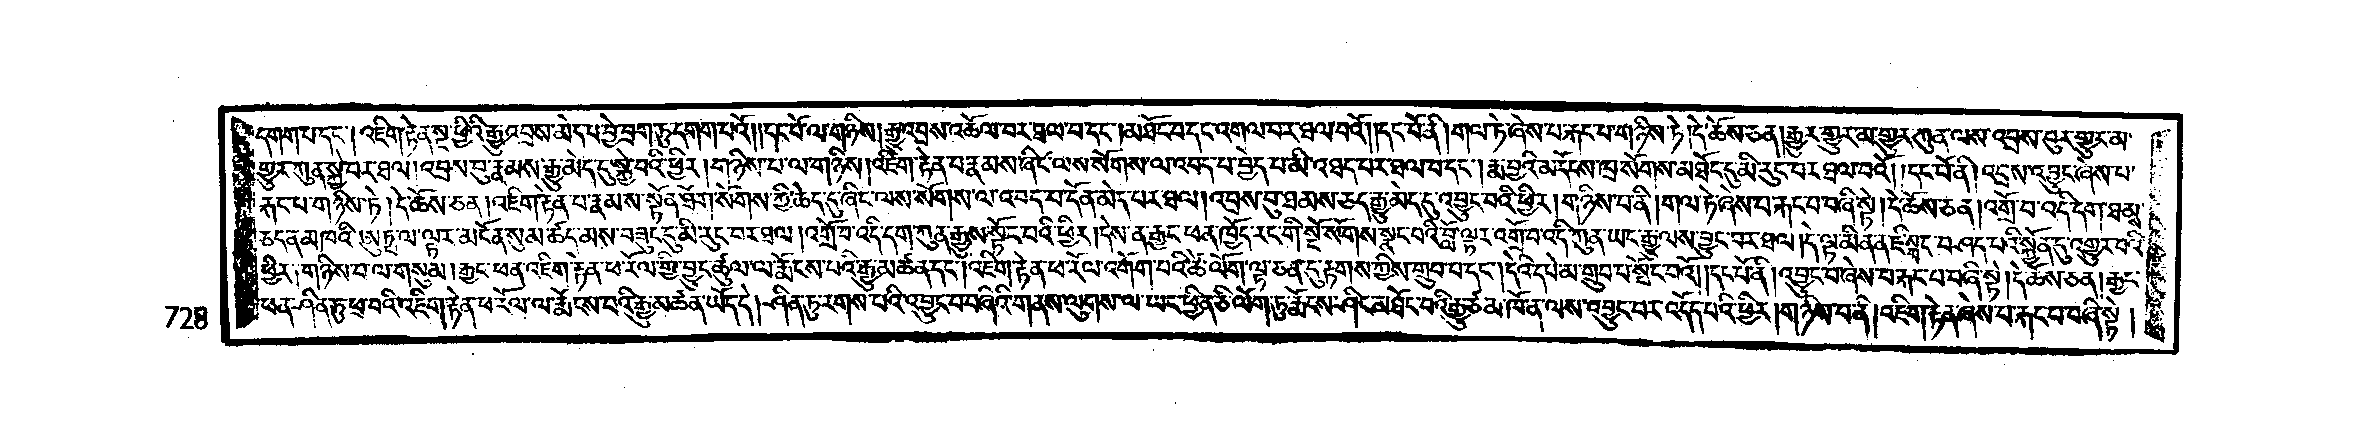དགག་པ་དང་། འཇིག་རྟེན་སྔ་ཕྱིའི་རྒྱུ་འབྲས་མེད་པ་བྱེ་བྲག་ཏུ་དགག་པའོ། །དང་པོ་ལ་གཉིས། རྒྱུ་འབྲས་འཆོལ་བར་ཐལ་བ་དང་། མཐོང་བ་དང་འགལ་བར་ཐལ་བའོ། །དང་པོ་ནི། གལ་ཏེ་ཞེས་པ་རྐང་པ་གཉིས་ཏེ། དེ་ཆོས་ཅན། རྒྱུར་གྱུར་མ་གྱུར་ཀུན་ལས་འབྲས་བུར་གྱུར་མ་
གྱུར་ཀུན་སྐྱེ་བར་ཐལ། འབྲས་བུ་རྣམས་རྒྱུ་མེད་དུ་སྐྱེ་བའི་ཕྱིར། གཉིས་པ་ལ་གཉིས། འཇིག་རྟེན་པ་རྣམས་ཞིང་ལས་སོགས་ལ་འབད་པ་བྱེད་པ་མི་འཐད་པར་ཐལ་བ་དང་། རྨ་བྱའི་མདོངས་ཁྲ་སོགས་མཐོང་དུ་མི་རུང་བར་ཐལ་བའོ། །དང་པོ་ནི། འབྲས་འབྱུང་ཞེས་པ་
རྐང་པ་གཉིས་ཏེ། དེ་ཆོས་ཅན། འཇིག་རྟེན་པ་རྣམས་སྟོན་ཐོག་སོགས་ཀྱི་ཆེད་དུ་ཞིང་ལས་སོགས་ལ་འབད་པ་དོན་མེད་པར་ཐལ། འབྲས་བུ་ཐམས་ཅད་རྒྱུ་མེད་དུ་འབྱུང་བའི་ཕྱིར། གཉིས་པ་ནི། གལ་ཏེ་ཞེས་པ་རྐང་པ་བཞི་སྟེ། དེ་ཆོས་ཅན། འགྲོ་བ་འདི་དག་ཐམས་
ཅད་ནམ་མཁའི་ཨུཏྤ་ལ་ལྟར་མངོན་སུམ་ཚད་མས་བཟུང་དུ་མི་རུང་བར་ཐལ། འགྲོ་བ་འདི་དག་ཀུན་རྒྱུས་སྟོང་པའི་ཕྱིར། དེས་ན་རྒྱང་ཕན་ཁྱོད་རང་གི་སྔོ་སོགས་སྣང་བའི་བློ་ལྟར་འགྲོ་བ་འདི་ཀུན་ཡང་རྒྱུ་ལས་བྱུང་བར་ཐལ། དེ་ལྟ་མིན་ན་ཇི་སྐད་བཤད་པའི་སྐྱོན་དུ་འགྱུར་བའི་
ཕྱིར། གཉིས་པ་ལ་གསུམ། རྒྱང་ཕན་འཇིག་རྟེན་ཕ་རོལ་གྱི་བྱུང་ཚུལ་ལ་རྨོངས་པའི་རྒྱུ་མཚན་དང་། འཇིག་རྟེན་ཕ་རོལ་འགོག་པའི་ཚེ་ལོག་ལྟ་ཅན་དུ་རྟགས་ཀྱིས་གྲུབ་པ་དང་། དེའི་དཔེ་མ་གྲུབ་པ་སྤོང་བའོ། །དང་པོ་ནི། འབྱུང་བ་ཞེས་པ་རྐང་པ་བཞི་སྟེ། དེ་ཆོས་ཅན། རྒྱང་
ཕན་ཤིན་ཏུ་ཕྲ་བའི་འཇིག་རྟེན་ཕ་རོལ་ལ་རྨོངས་པའི་རྒྱུ་མཚན་ཡོད་དེ། ཤིན་ཏུ་རགས་པའི་འབྱུང་བ་བཞིའི་གནས་ལུགས་ལ་ཡང་ཕྱིན་ཅི་ལོག་ཏུ་རྨོངས་ཤིང་མཐོང་བའི་རྒྱུ་ཙམ་ཁོ་ན་ལས་འབྱུང་བར་འདོད་པའི་ཕྱིར། གཉིས་པ་ནི། འཇིག་རྟེན་ཞེས་པ་རྐང་པ་བཞི་སྟེ།